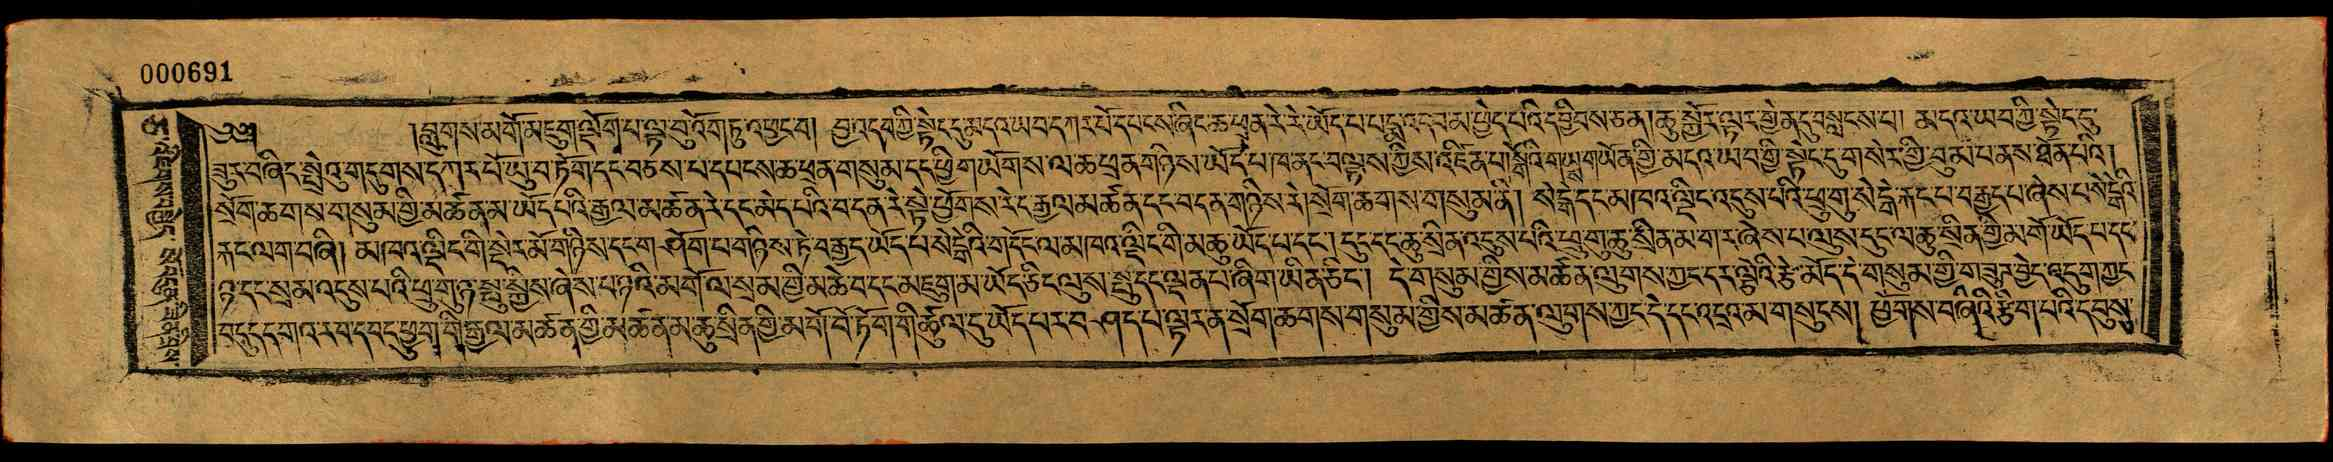༄༅། །བླུགས་མགོ་མཇུག་ལྡོག་པ་ལྟ་བུ་འོག་ཏུ་འཕྱང་བ། བྱ་འདབ་ཀྱི་སྟེང་དུ་མདའ་ཡབ་དཀར་པོ་དཔངས་ཞེང་ཆ་ཕྲན་རེ་རེ་ཡོད་པ་པདམ་འདབ་མ་ཕྱེད་པའི་དབྱིབས་ཅན། ཆུ་སྐྱོར་ལྟར་གྱེན་དུ་བསླངས་པ། མདའ་ཡབ་ཀྱི་སྟེང་དུ་
ཟུར་བཞིར་སྤྲེའུ་གདུགས་དཀར་པོ་ཡུ་བ་ཏོག་དང་བཅས་པ་དཔངས་ཆ་ཕྲན་གསུམ་དང་ཕྱི་གཡོགས་ལ་ཆ་ཕྲན་གཉིས་ཡོད་པ་ཁ་ནང་བལྟས་ཀྱིས་འཛིན་པ། སྒོའི་གཡས་གཡོན་གྱི་མདའ་ཡབ་ཀྱི་སྟེང་དུ་གསེར་གྱི་བུམ་པ་ནས་ཐོན་པའི་
སྲོག་ཆགས་གསུམ་གྱི་མཚན་མ་ཡོད་པའི་རྒྱལ་མཚན་རེ་དང་མེད་པའི་བ་དན་རེ་སྟེ་ཕྱོགས་རེར་རྒྱལ་མཚན་དང་བ་དན་གཉིས་རེ། སྲོག་ཆགས་གསུམ་ནི། སེངྒེ་དང་མཁའ་ལྡིང་འདུས་པའི་ཕྲུ་གུ་སེངྒེ་རྐང་པ་བརྒྱད་པ་ཞེས་པ་སེངྒེའི་
རྐང་ལག་བཞི། མཁའ་ལྡིང་གི་སྡེར་མོ་གཉིས་དང་གཤོག་པ་གཉིས་ཏེ་བརྒྱད་ཡོད་པ་སེངྒེའི་གདོང་ལ་མཁའ་ལྡིང་གི་མཆུ་ཡོད་པ་དང་། དུང་དང་ཆུ་སྲིན་འདུས་པའི་ཕྲུ་གུ་ཆུ་སྲིན་མ་ག་ར་ཞེས་པ་ལུས་དུང་ལ་ཆུ་སྲིན་གྱི་མགོ་ཡོད་པ་དང་
ཉ་དང་སྲམ་འདུས་པའི་ཕྲུ་གུ་ཉ་སྤུ་སྐྱེས་ཞེས་པ་ཉའི་མགོ་ལ་སྲམ་གྱི་མཆེ་བ་དང་མཇུག་མ་ཡོད་ཅིང་ལུས་སྤུ་དང་ལྡན་པ་ཞིག་ཡིན་ཅིང་། དེ་གསུམ་གྱིས་མཚན་ལུགས་ཀྱང་དར་ལྕེའི་རྩེ་མོར་དེ་གསུམ་གྱི་གཟུགས་བྱེད་འདུག་ཀྱང་
བདུད་དགའ་རབ་དབང་ཕྱུག་གི་རྒྱལ་མཚན་གྱི་མཚན་མ་ཆུ་སྲིན་གྱི་མགོ་བོ་ཏོག་གི་ཚུལ་དུ་ཡོད་པར་བཤད་པ་ལྟར་ན་སྲོག་ཆགས་གསུམ་གྱིས་མཚན་ལུགས་ཀྱང་དེ་དང་འདྲའམ་གསུངས། ཕྱོགས་བཞིའི་རྩིག་པའི་དབུས་སུ་